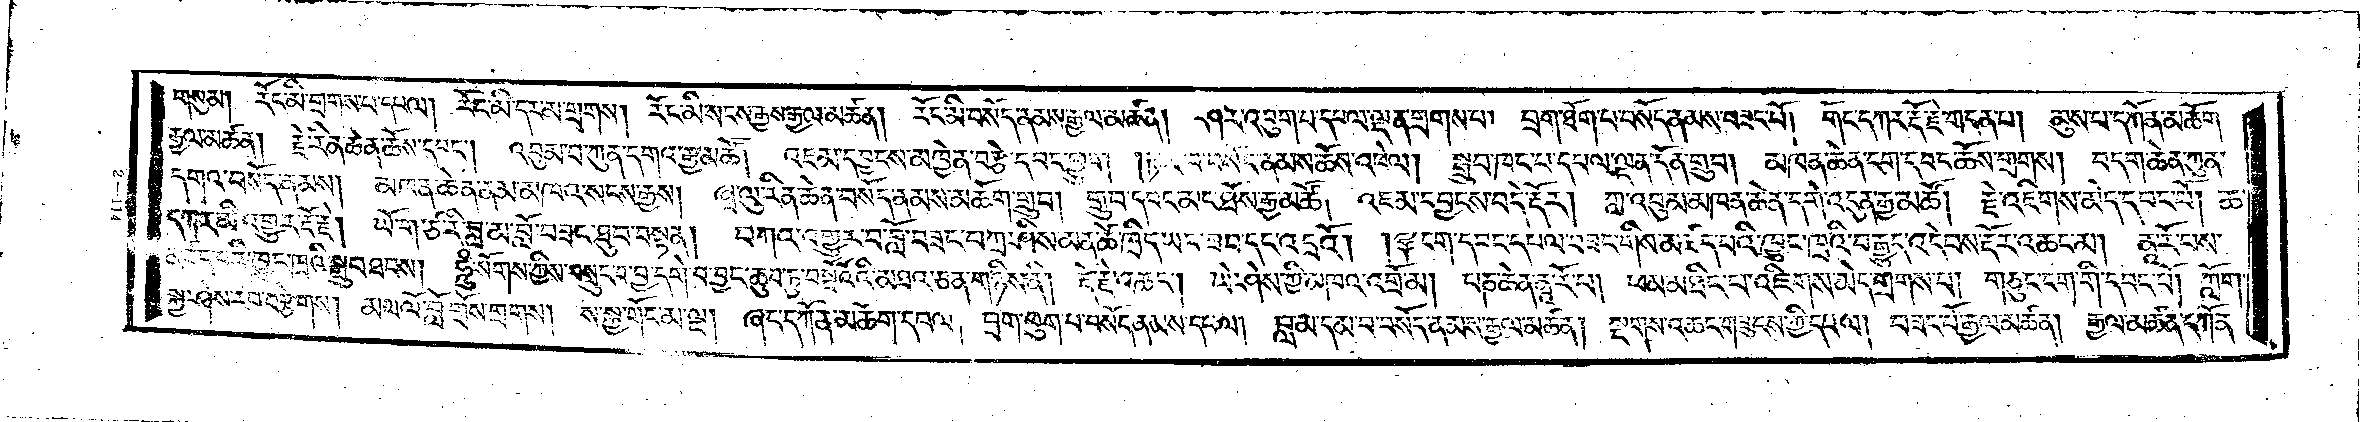གསུམ། རོང་མི་གྲགས་པ་དཔལ། རོང་མི་དར་མ་གྲགས། རོང་མི་སངས་རྒྱས་རྒྱལ་མཚན། རོང་མི་བསོད་ནམས་རྒྱལ་མཚན། ཤར་འབུག་པ་དཔལ་ལྡན་གྲགས་པ། བྲག་ཐོག་པ་བསོད་ནམས་བཟང་པོ། གོང་དཀར་རྡོ་རྗེ་གདན་པ། མུས་པ་དཀོན་མཆོག་
རྒྱལ་མཚན། རྗེ་རིན་ཆེན་ཆོས་དབང་། འབུམ་པ་ཀུན་དགའ་རྒྱ་མཚོ། འཇམ་དབྱངས་མཁྱེན་བརྩེ་དབང་ཕྱུག །རྟ་ར་བ་བསོད་ནམས་ཆོས་འཕེལ། སྒྲུབ་ཁང་པ་དཔལ་ལྡན་དོན་གྲུབ། མཁན་ཆེན་ངག་དབང་ཆོས་གྲགས། བདག་ཆེན་ཀུན་
དགའ་བསོད་ནམས། མཁན་ཆེན་ནམ་མཁའ་སངས་རྒྱས། ཞྭ་ལུ་རིན་ཆེན་བསོད་ནམས་མཆོག་གྲུབ། གྲུབ་དབང་མང་ཐོས་རྒྱ་མཚོ། འཇམ་དབྱངས་བདེ་རྡོར། ཀླ་འབུམ་མཁན་ཆེན་དགེ་འདུན་རྒྱ་མཚོ། རྗེ་འཇིགས་མེད་དབང་པོ། ཆ་
དཀར་མི་འགྱུར་རྡོ་རྗེ། ཡོ་ག་ཙ་རི་བླ་མ་བློ་བཟང་ཐུབ་བསྟན། བཀའ་འགྱུར་བ་བློ་བཟང་བཀྲ་ཤིས་མན་ཚེ་ཁྲིད་ཡང་ཟབ་དང་འདྲའོ། །༈ ངག་དབང་དཔལ་བཟང་གིས་མཛད་པའི་ཁྱུང་ཁྲའི་བརྒྱུད་འདེབས་རྡོར་འཆང་མ། ནཱ་རོ་པས་
མཛད་པ་རི་ཁྱུར་ཁྲའི་སྒྲུབ་ཐབས། ཧཱུཾ་སོགས་ཀྱིས་བསྲུང་བ་བ་བྱ་དགེ་བ་བྱང་ཆུབ་ཏུ་བསྔོའོའི་མཐའ་ཅན་གཉིས་ནི། རྡོ་རྗེ་འཆང་། ཡེ་ཤེས་ཀྱི་མཁའ་འགྲོ་མ། པཎ་ཆེན་ནཱ་རོ་པ། ཕམ་མཐིང་པ་འཇིགས་མེད་གྲགས་པ། གཅུང་ངག་གི་དབང་པོ། ཀློག་
སྐྱ་ཞེས་རབ་བརྩེགས། མལ་ལོ་བློ་གྲོས་གྲགས། ས་སྐྱ་གོང་མ་ལྔ། ཞང་དཀོན་མཆོག་དཔལ། བྲག་ཕུག་པ་བསོད་ནམས་དང་ལ། བླ་མ་དམ་བ་བསོད་ནམས་རྒྱལ་མཚན། སྔགས་འཆང་གཟུངས་ཀྱི་དཔལ། བཟང་པོ་རྒྱལ་མཚན། རྒྱལ་མཚན་དཀོན་